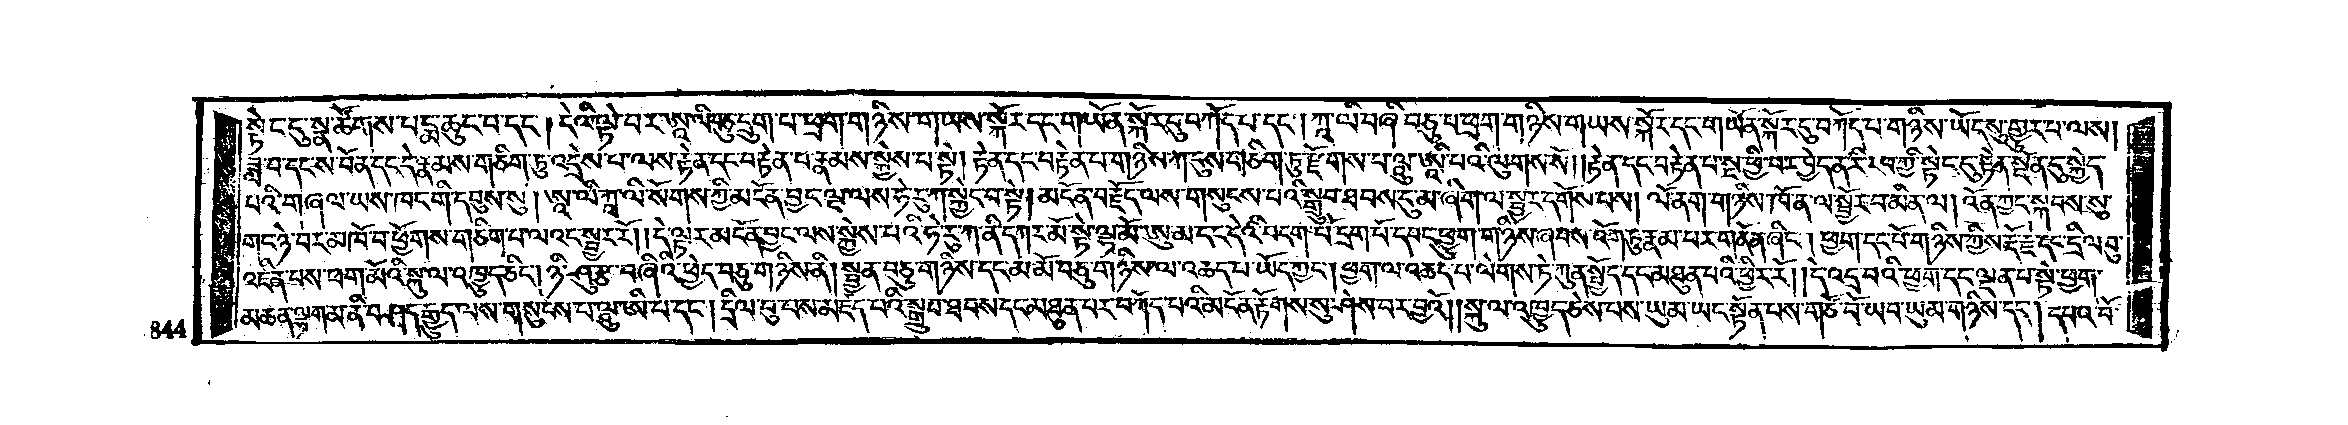སྟེང་དུ་སྣ་ཚོགས་པདམ་ཆུང་བ་དང་། དེའི་ལྟེ་བར་ཨཱ་ལི་བཅུ་དྲུག་པ་ཕྲག་གཉིས་གཡས་སྐོར་དང་གཡོན་སྐོར་དུ་བཀོད་པ་དང་། ཀཱ་ལི་བཞི་བཅུ་པ་ཕྲག་གཉིས་གཡས་སྐོར་དང་གཡོན་སྐོར་དུ་བཀོད་པ་གཉིས་ཡོངས་སུ་གྱུར་པ་ལས།
ཟླ་བ་དང་ས་བོན་དང་དེ་རྣམས་གཅིག་ཏུ་འདྲེས་པ་ལས་རྟེན་དང་བརྟེན་པ་རྣམས་སྐྱེས་པ་སྟེ། རྟེན་དང་བརྟེན་པ་གཉིས་ཀ་དུས་གཅིག་ཏུ་རྫོགས་པ་ལཱུ་ཨཱི་པའི་ལུགས་སོ། །རྟེན་དང་བརྟེན་པ་སྔ་ཕྱི་བར་བྱེད་ན་རི་རབ་ཀྱི་སྟེང་དུ་རྟེན་སྔོན་དུ་སྐྱེད་
པའི་གཞལ་ཡས་ཁང་གི་དབུས་སུ། ཨཱ་ལི་ཀཱ་ལི་སོགས་ཀྱི་མངོན་བྱང་ལྔ་ལས་ཧེ་རུ་ཀ་སྐྱེད་པ་སྟེ། མངོན་བརྗོད་ལས་གསུངས་པའི་སྒྲུབ་ཐབས་དུ་མ་ཞིག་ལ་སྦྱར་དགོས་པས། ལོ་ནག་གཉིས་ཁོ་ན་ལ་སྦྱོར་བ་མིན་ལ། འོན་ཀྱང་སྐབས་སུ་
གང་ཉེ་བར་མཁོ་བ་ཕྱོགས་གཅིག་པ་ལའང་སྦྱར་རོ། །དེ་ལྟར་མངོན་བྱང་ལས་སྐྱེས་པའི་ཧེ་རུ་ཀ་ནི་དཀར་མོ་སྟེ་ལྷ་མོ་ཨུ་མ་དང་དེའི་བདག་པོ་དྲག་པོ་དབང་ཕྱུག་གཉིས་ཞབས་འོག་ཏུ་རྣམ་པར་གནོན་ཞིང་། ཕྱག་དང་པོ་གཉིས་ཀྱིས་རྡོ་རྗེ་དང་དྲིལ་བུ་
འཛིན་པས་ཕག་མོའི་སྐུ་ལ་འཁྱུད་ཅིང་། ཉི་ཤུ་རྩ་བཞིའི་ཕྱེད་བཅུ་གཉིས་ནི། སྤྱན་བཅུ་གཉིས་དང་མ་མོ་བཅུ་གཉིས་ལ་འཆད་པ་ཡོད་ཀྱང་། ཕྱག་ལ་འཆད་པ་ལེགས་ཏེ་ཀུན་སྤྱོད་དང་མཐུན་པའི་ཕྱིར་རོ། །དེ་འདྲ་བའི་ཕྱག་དང་ལྡན་པ་སྟེ་ཕྱག་
མཚན་ལྷག་མ་ནི་བཤད་རྒྱུད་ལས་གསུངས་པ་ལཱུ་ཨི་པ་དང་། དྲིལ་བུ་པས་མཛད་པའི་སྒྲུབ་ཐབས་དང་མཐུན་པར་བཀོད་པའི་མངོན་རྟོགས་སུ་ཤེས་པར་བྱའོ། །སྐུ་ལ་འཁྱུད་ཅེས་པས་ཡུམ་ཡང་སྟོན་པས་གཙོ་བོ་ཡབ་ཡུམ་གཉིས་དང་། དཔའ་བོ་